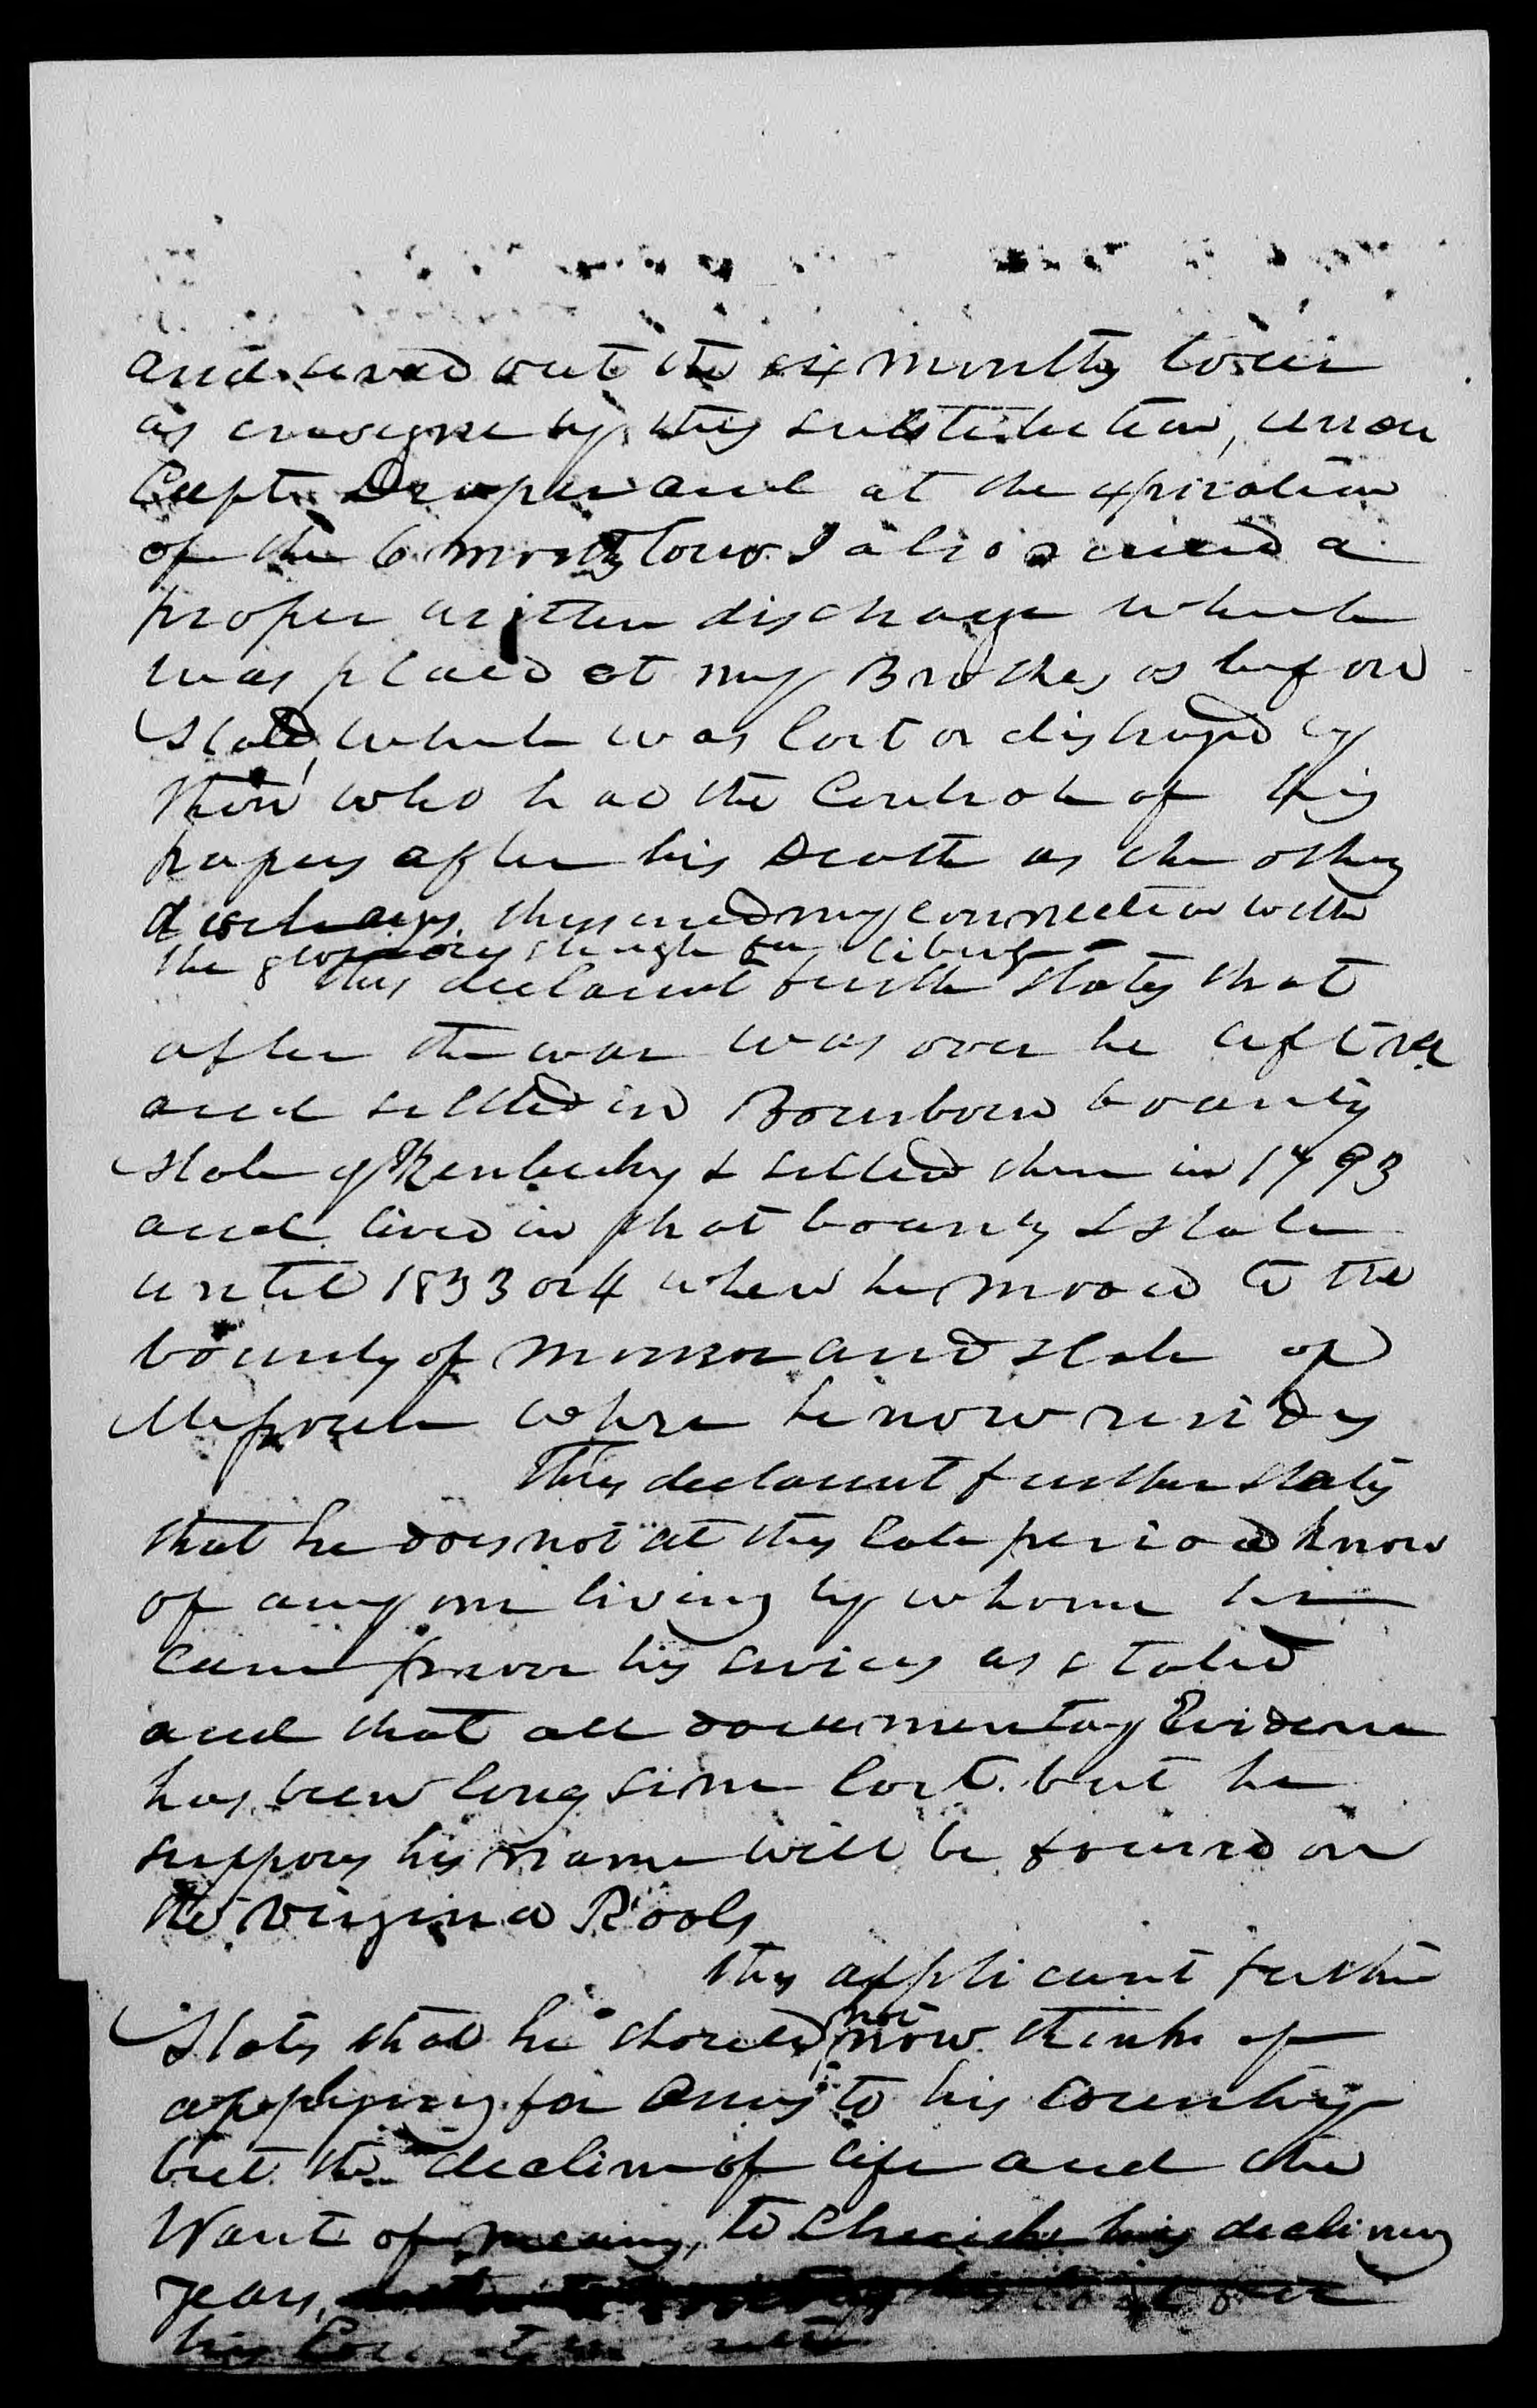and served out the six months tour as was done by this substitute then union Capt. Draper and at the 4 [illegible] of the 6 months tour I also [ink-blotted][illegible] a proper written discharge which was placed at my Brothers as before stated which was lost or distroyed [destroyed] by then who had the [illegible] of this papers after his Death as the other discharges then used my [illegible] or with the glory [illegible] for liberty. 
This declarent further states that after the war was over he left va and settled in Bourbon County state of Kentucky [and] settled there in 1793 and lived in that county [and] state until 1833 or 4 when he moved to the county of Monroe and state of Missouri where he now resides. 
This declarent further states that he does not at this late period know of anyone living by whom he can prove his services as stated and that all documentary Evidence has been long time lost but he supposes his name will be found on the virginia Rools [rolls]. 
This applicant further states that he should not now think of applying for Arms to his country but the decline of life and the Want of memory to [ink-smudged][illegible] his declining years [ink-smudged][illegible]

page: 10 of 18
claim: survivor's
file: S. 15,846, James Fugate, Va.